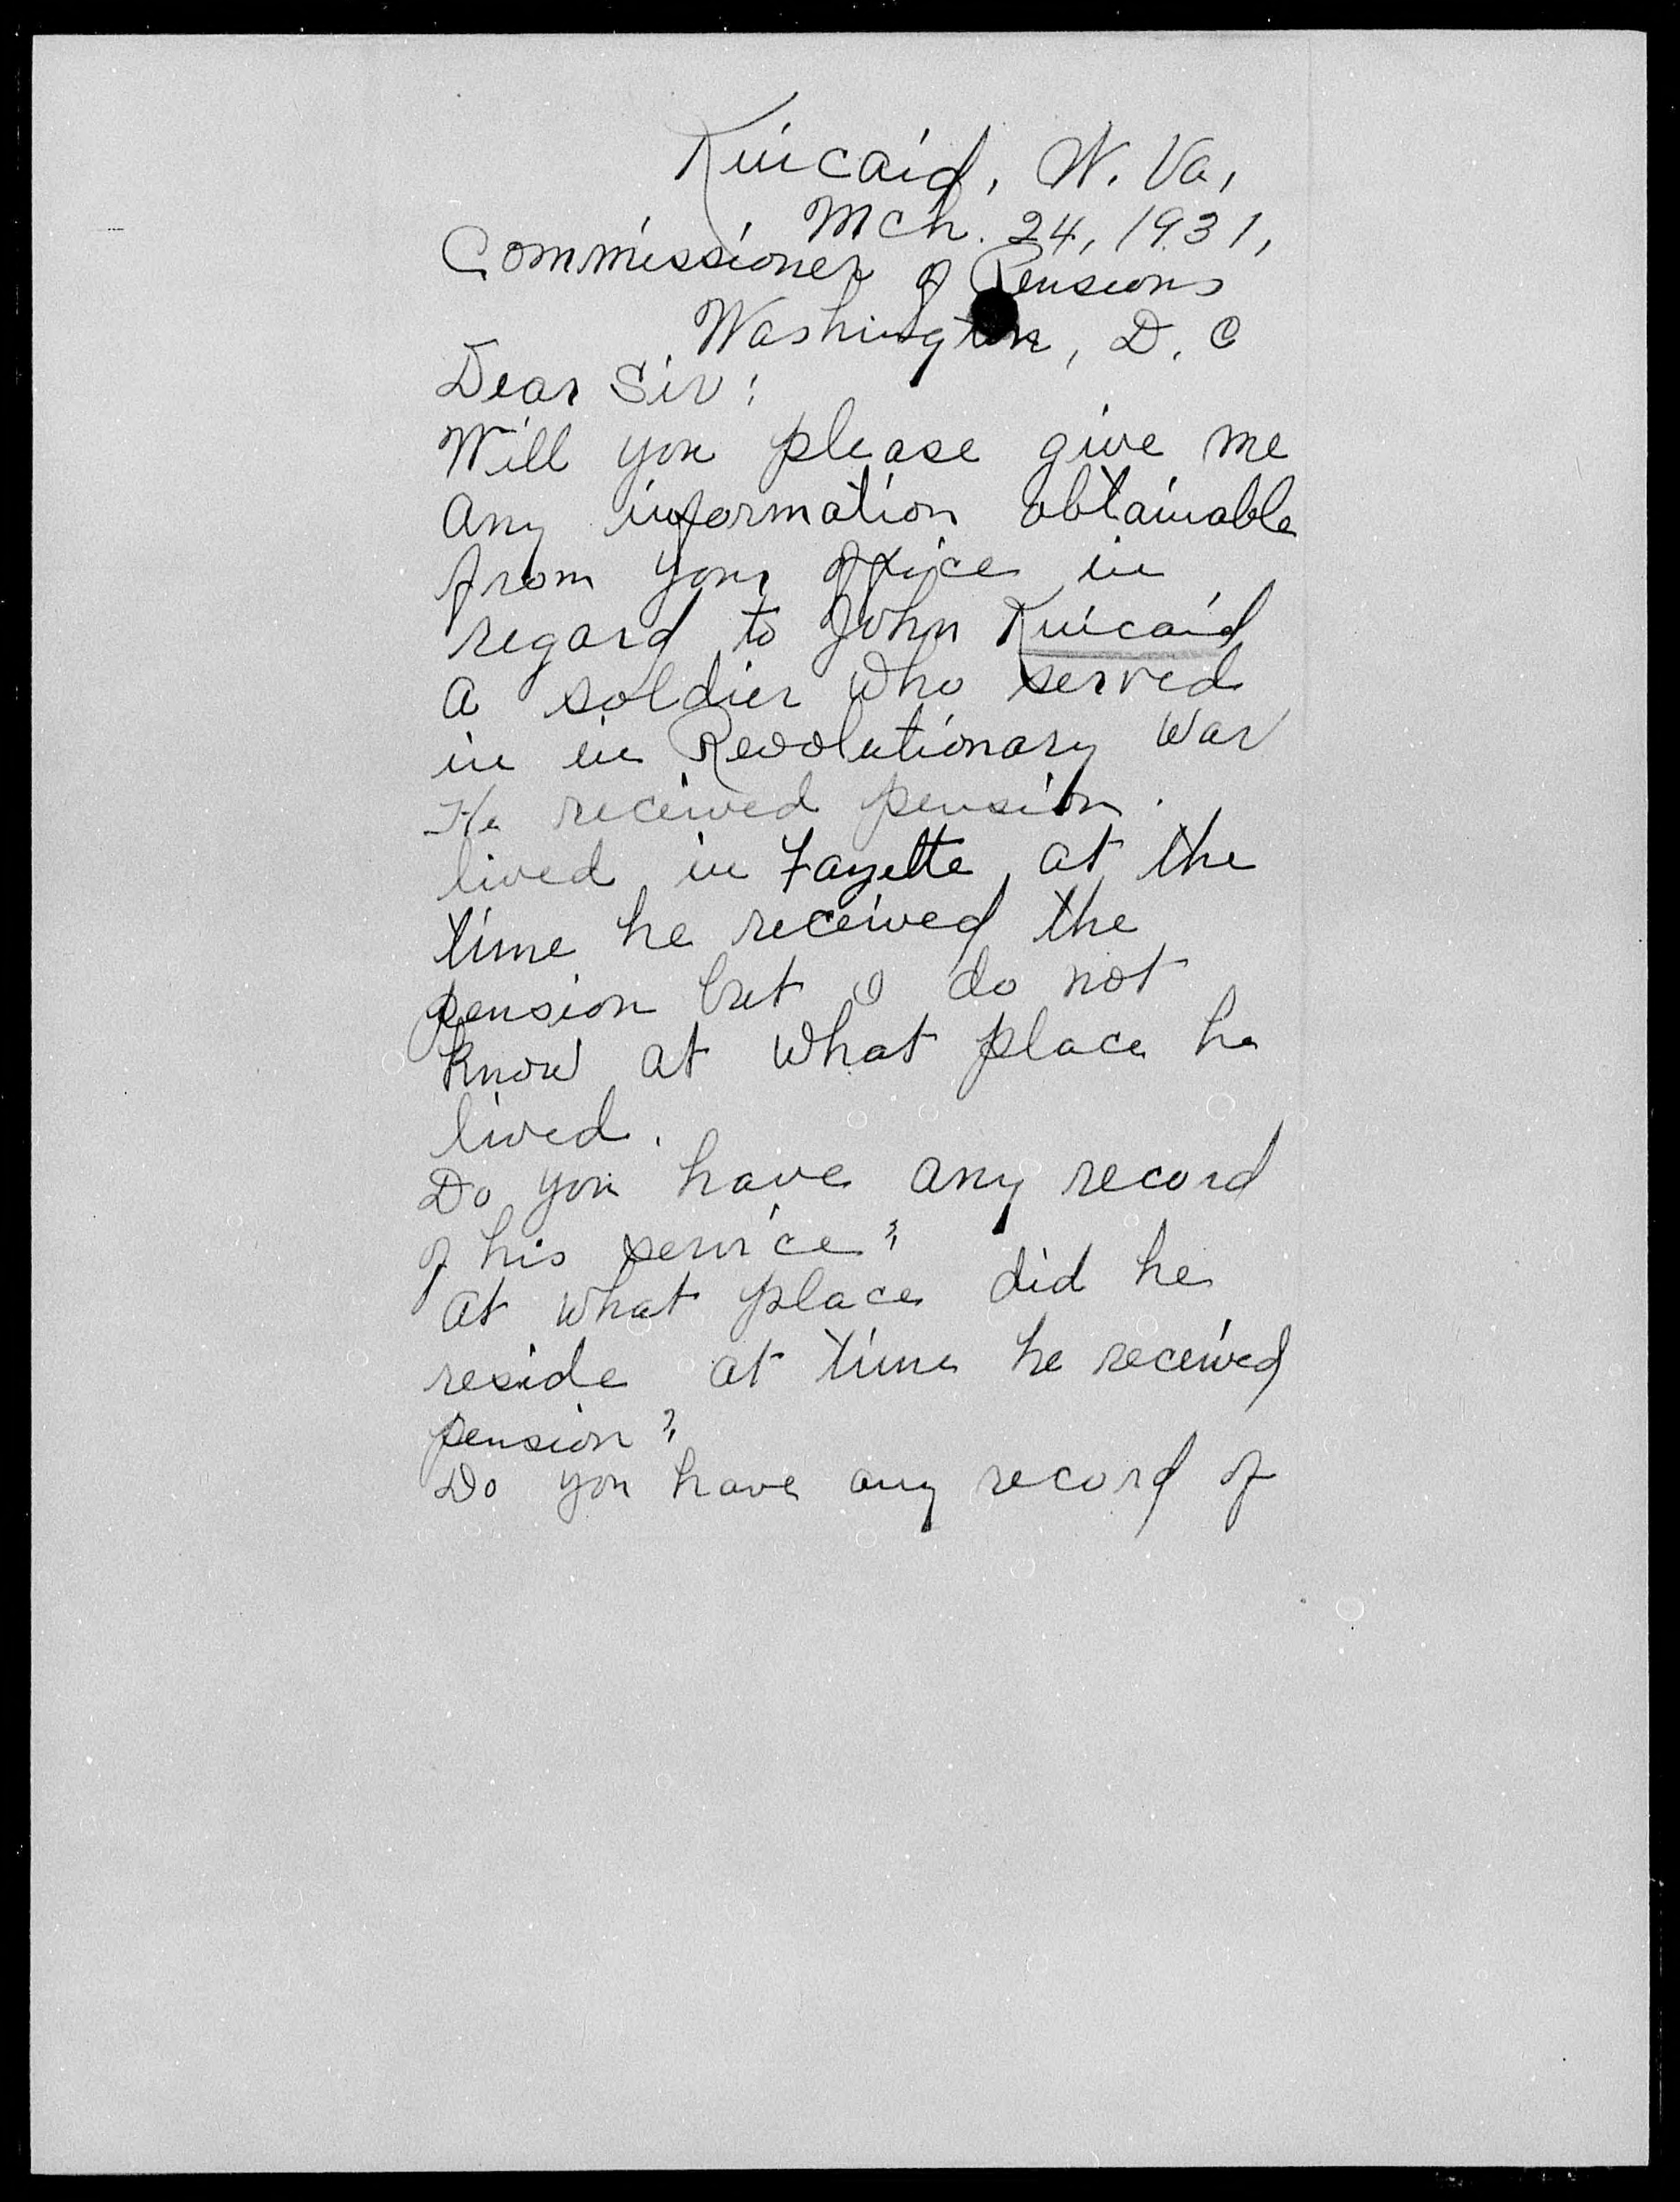Kincaid, W. Va.
March 24, 1931

Commissioner of Pensions
Washington, D.C.


Dear Sir:

Will you please give me any information obtainable from your office in regard to John Kincaid a soldier who served in the Revolutionary war.
He received pension, lived in Fayette, at the time he received the pension but I do not know at what place he lived.
Do you have any record of his service?
At what place did he reside at time he received pension?
Do you have any record of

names: John Kincaid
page: 11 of 33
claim: survivor's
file: S. 19367, for John Kincaid, Virginia